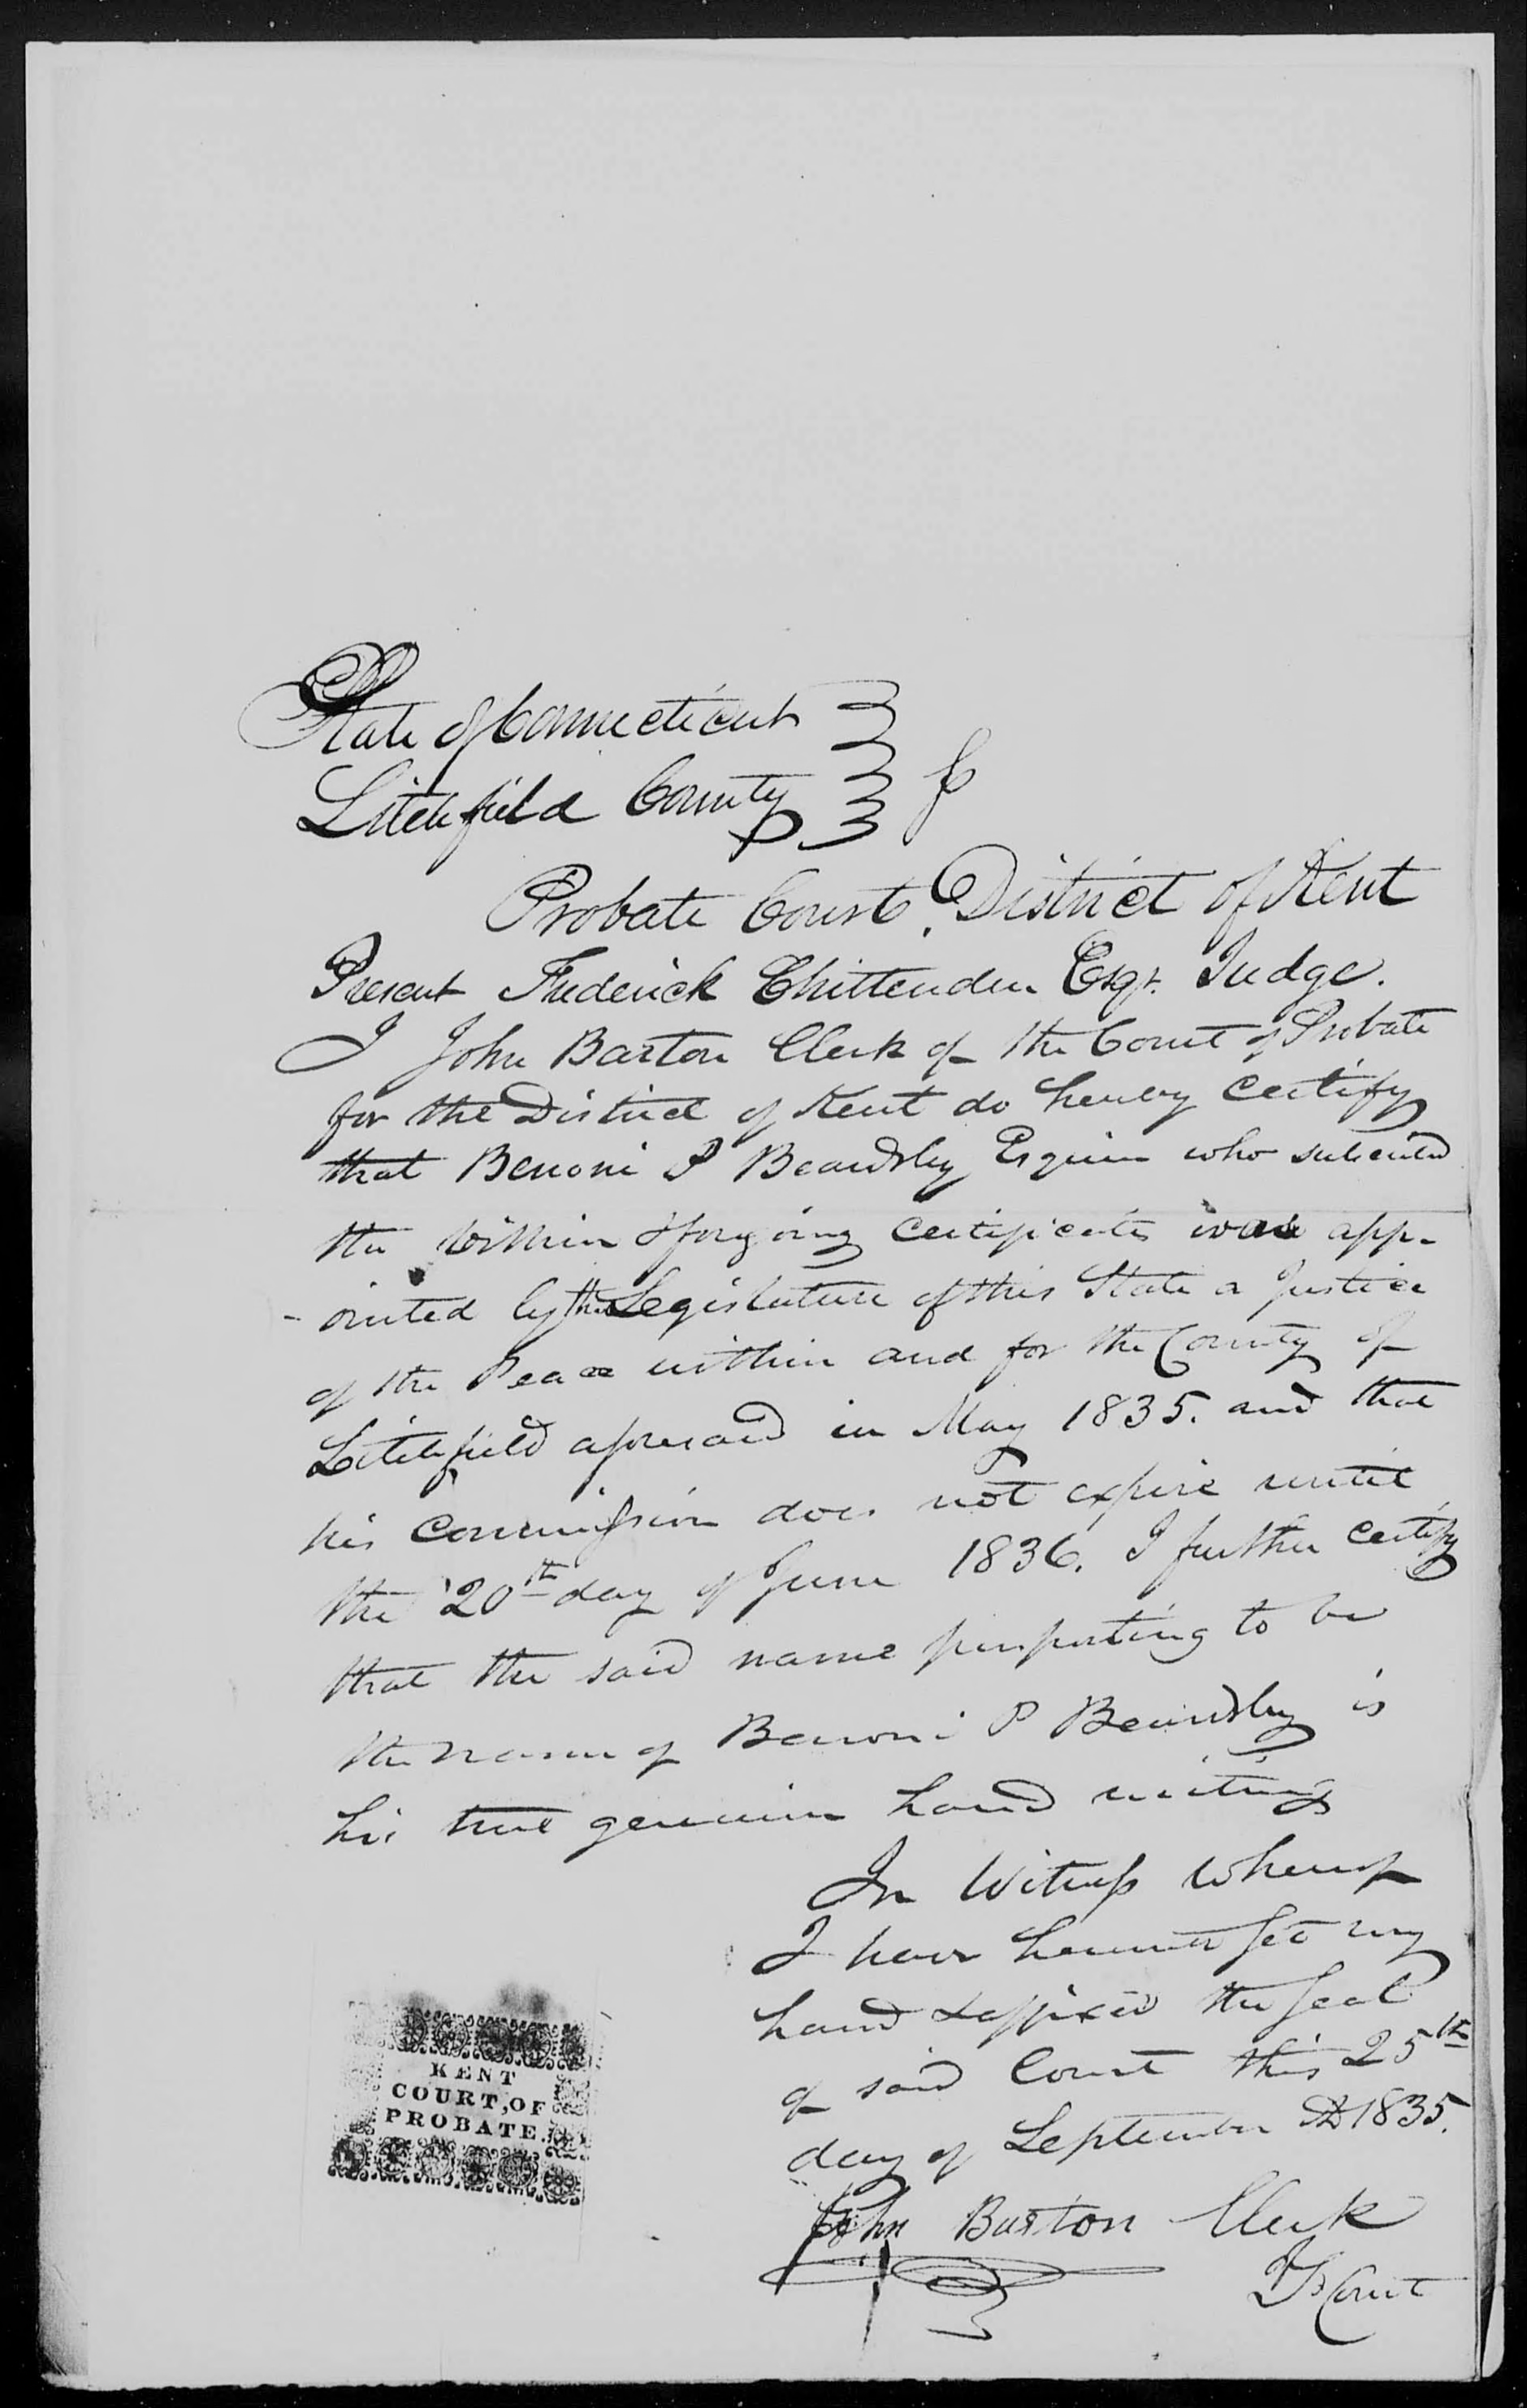State of Connecticut
Litchfield County
Probate Court District of Kent
Present Frederick Chittenden Esq Judge
I John Barton Clerk of the Court of Probate
for the District of Kent do hereby certify
that Benoni P Beardsley Esquire who subscribed
the within foregoing certificate was appointed
by the Legislature of this State a Justice
of the Peace within and for the County of
Littlefield aforesaid in May 1835, and that
his commission does not expire until
the 20th day of June 1836. I further certify
that the said name purporting to be
the name of Benoni P Beardsley is
his true genuine hand writing
In Witness whereof
I have hereunto set by
hand affixed the Seal
of said Court this 25th
day of September AD 1835
John Burton Clerk
of the Court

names: Frederick Chittenden, Benoni P Beardsley, Benoni P Beardsley, John Barton, John Barton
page: 10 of 21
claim: survivor's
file: S. 23,128, David Blake, Conn.